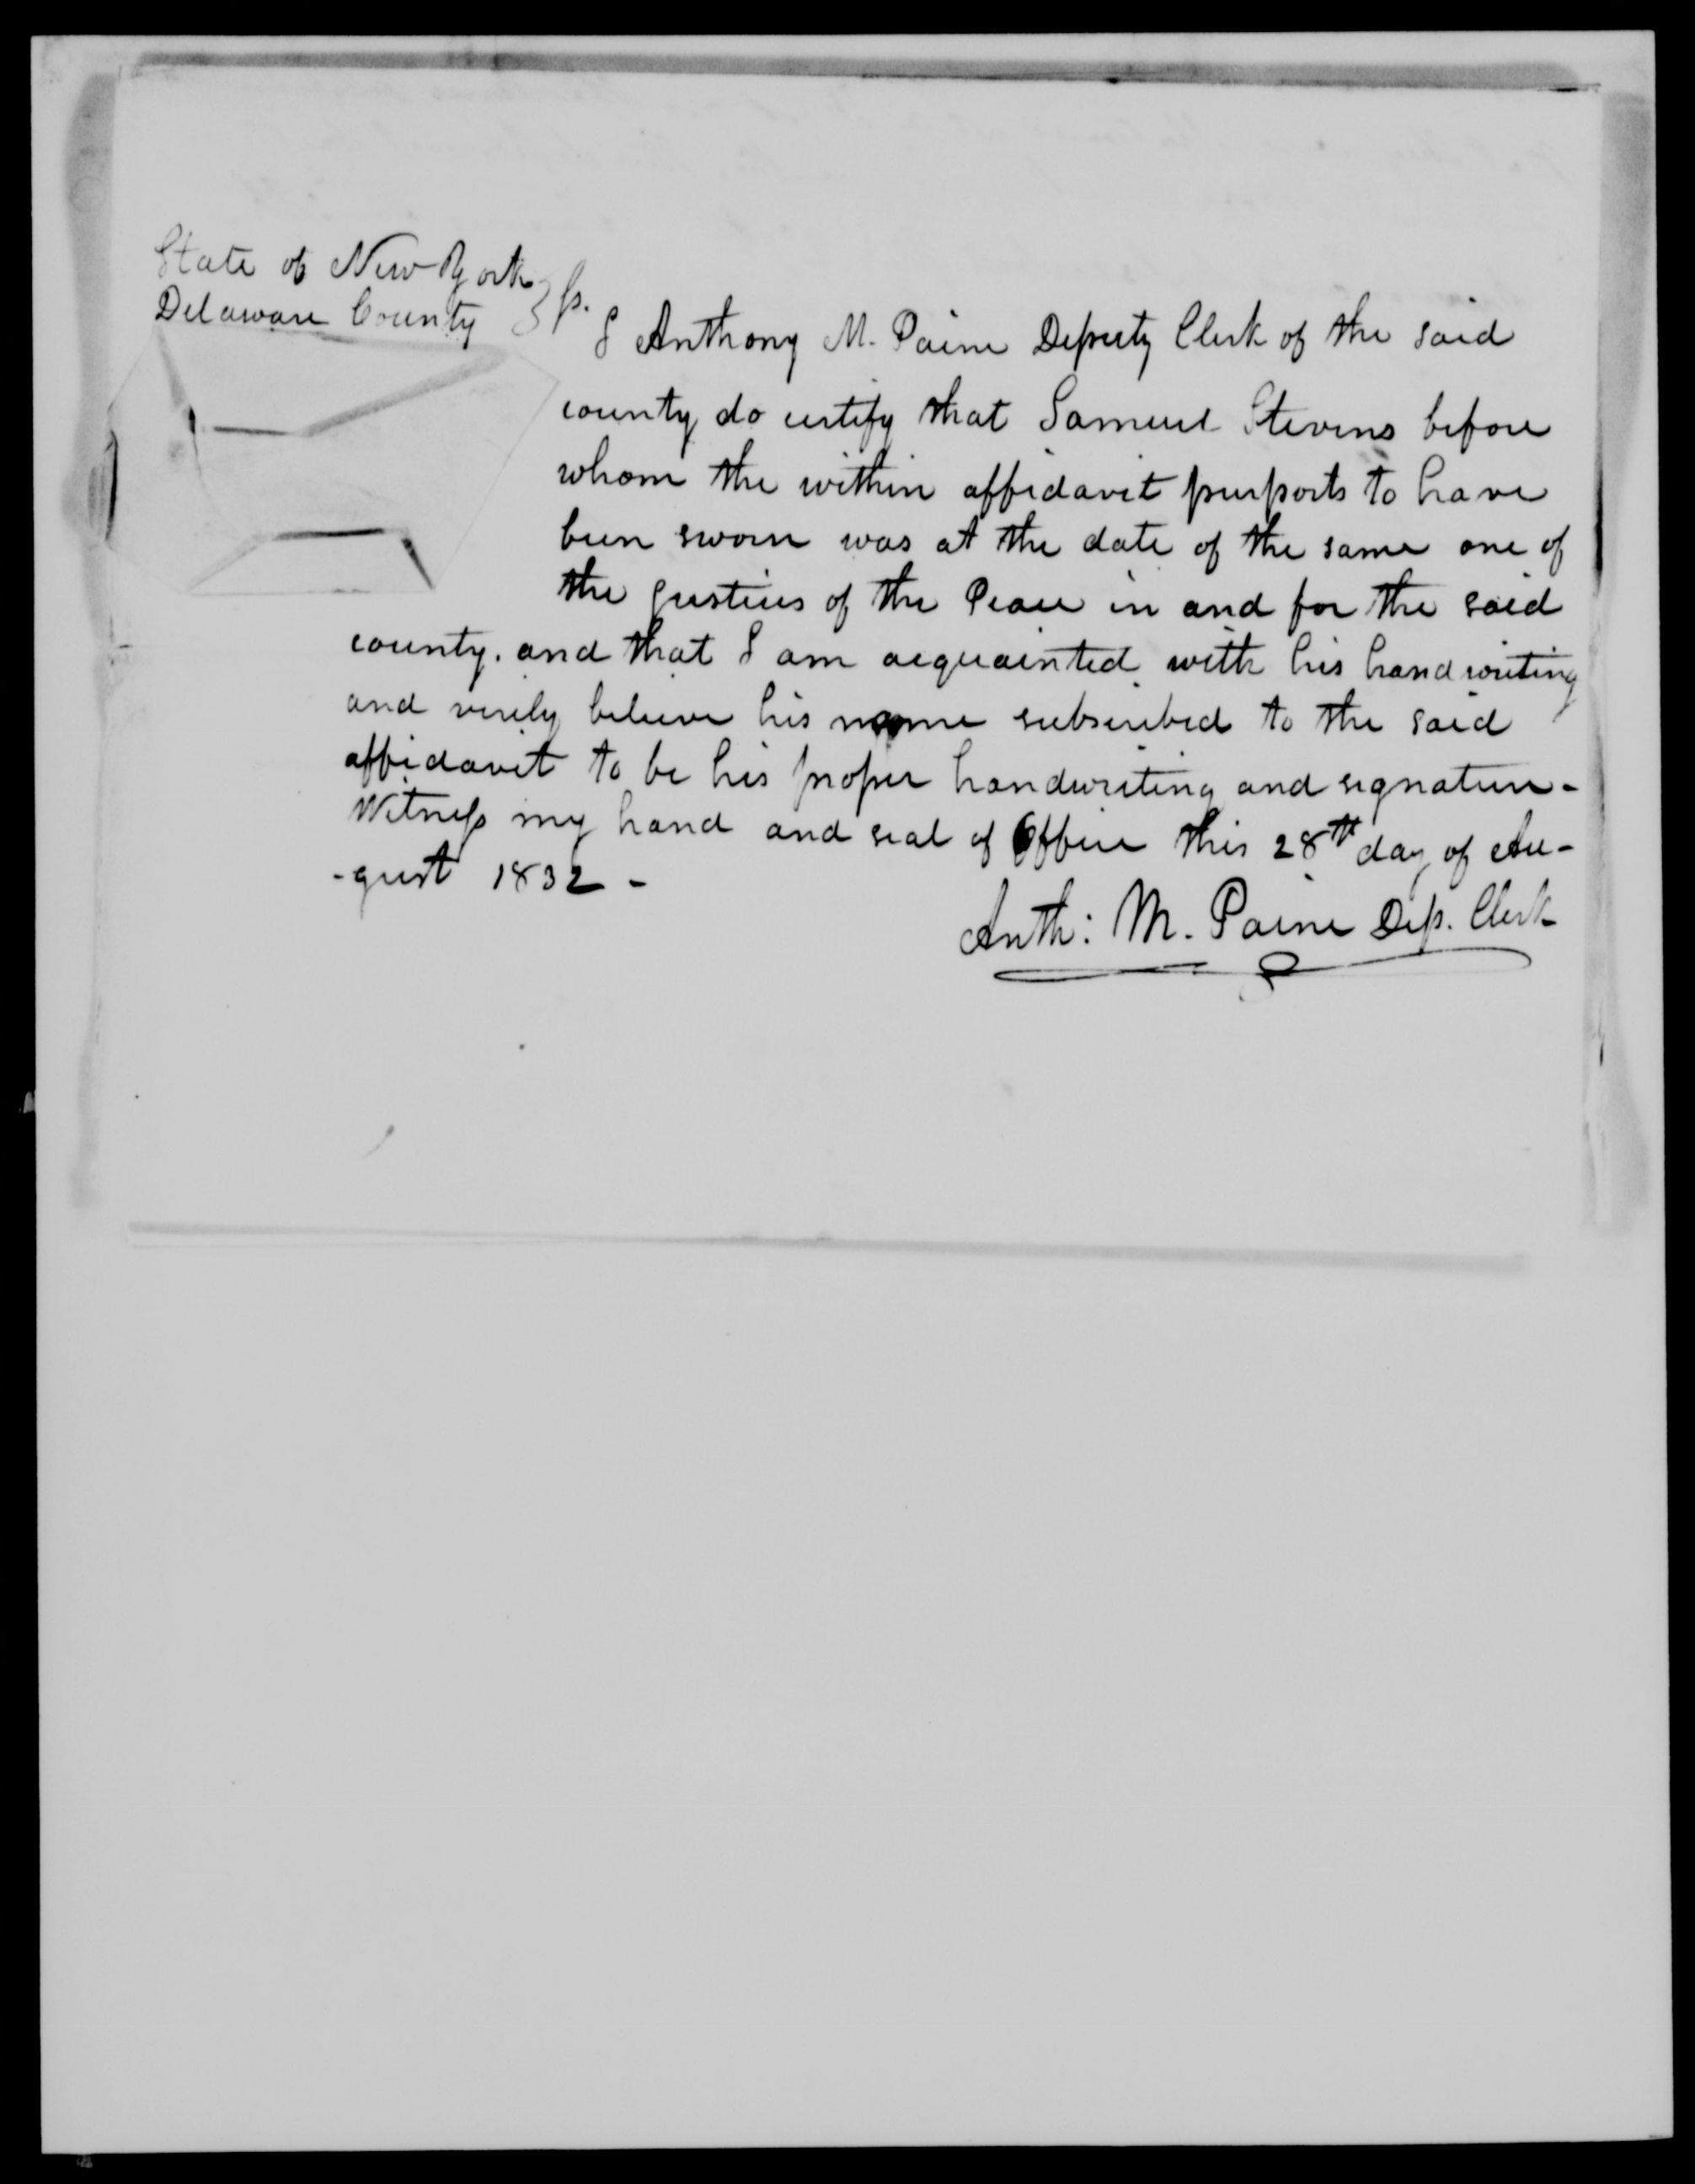State of New York
Delaware County SS
I Anthony M Paine Deputy Clerk of the said county do certify that Samuel Stevens before whom the within affidavit purports to have been sworn was at the date of the same one of the justices of the Peace in and for the said county. And that I am acquainted with his hand writing and verily believe his name subscribed to the said affidavit to be his proper handwriting and signature.
Witness my hand and seal of office this 28th day of August 1832
Auth: M. Paine Dep. Clerk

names: Samuel Stevens, Anthony M Paine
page: 31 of 46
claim: widow's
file: W. 18,417, James Willcox, Conn.